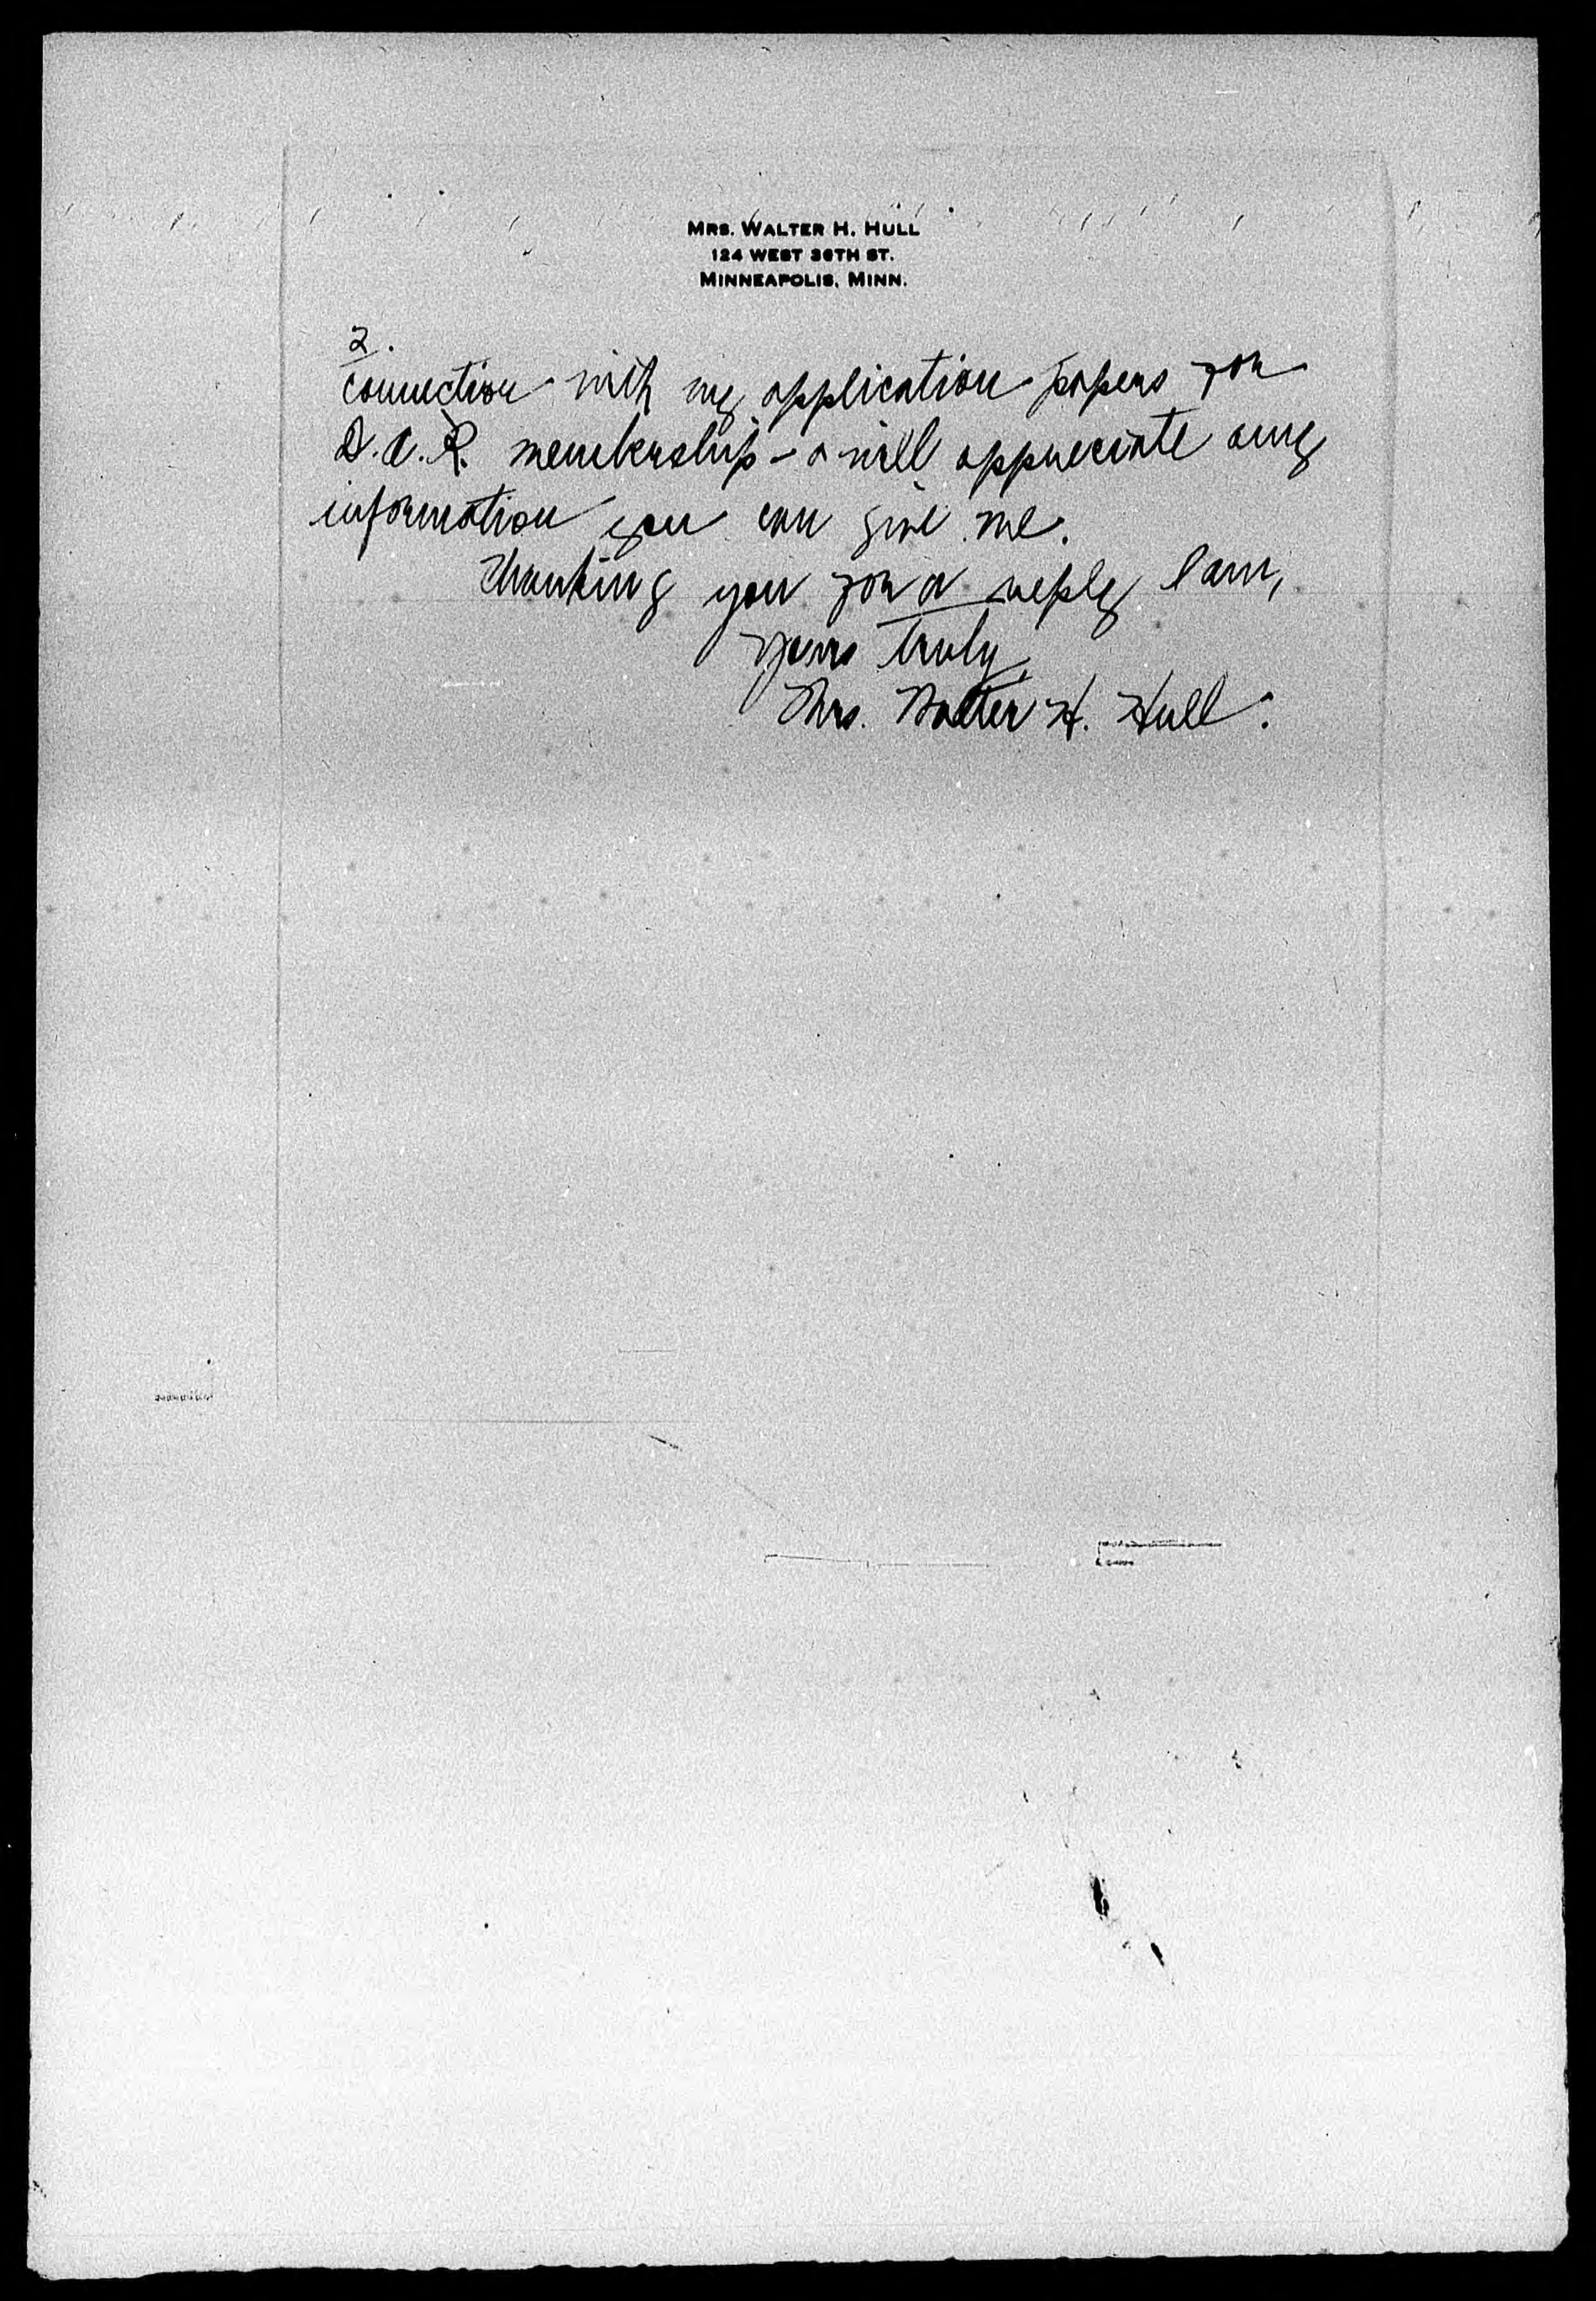MRS. WALTER H. HULL
124 WEST 36TH ST.
MINNEAPOLIS, MINN.

2.
correction with my application papers for
D.O.R. membership -  & will appreciate any
information you can send me.

Thanking you for a reply I am,
Yours  truly
Mrs. Walter H. Hull.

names: Walter H Hull, Walter H Hull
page: 24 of 60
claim: widow's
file: W 16,955, Samuel Dickinson, Conn.